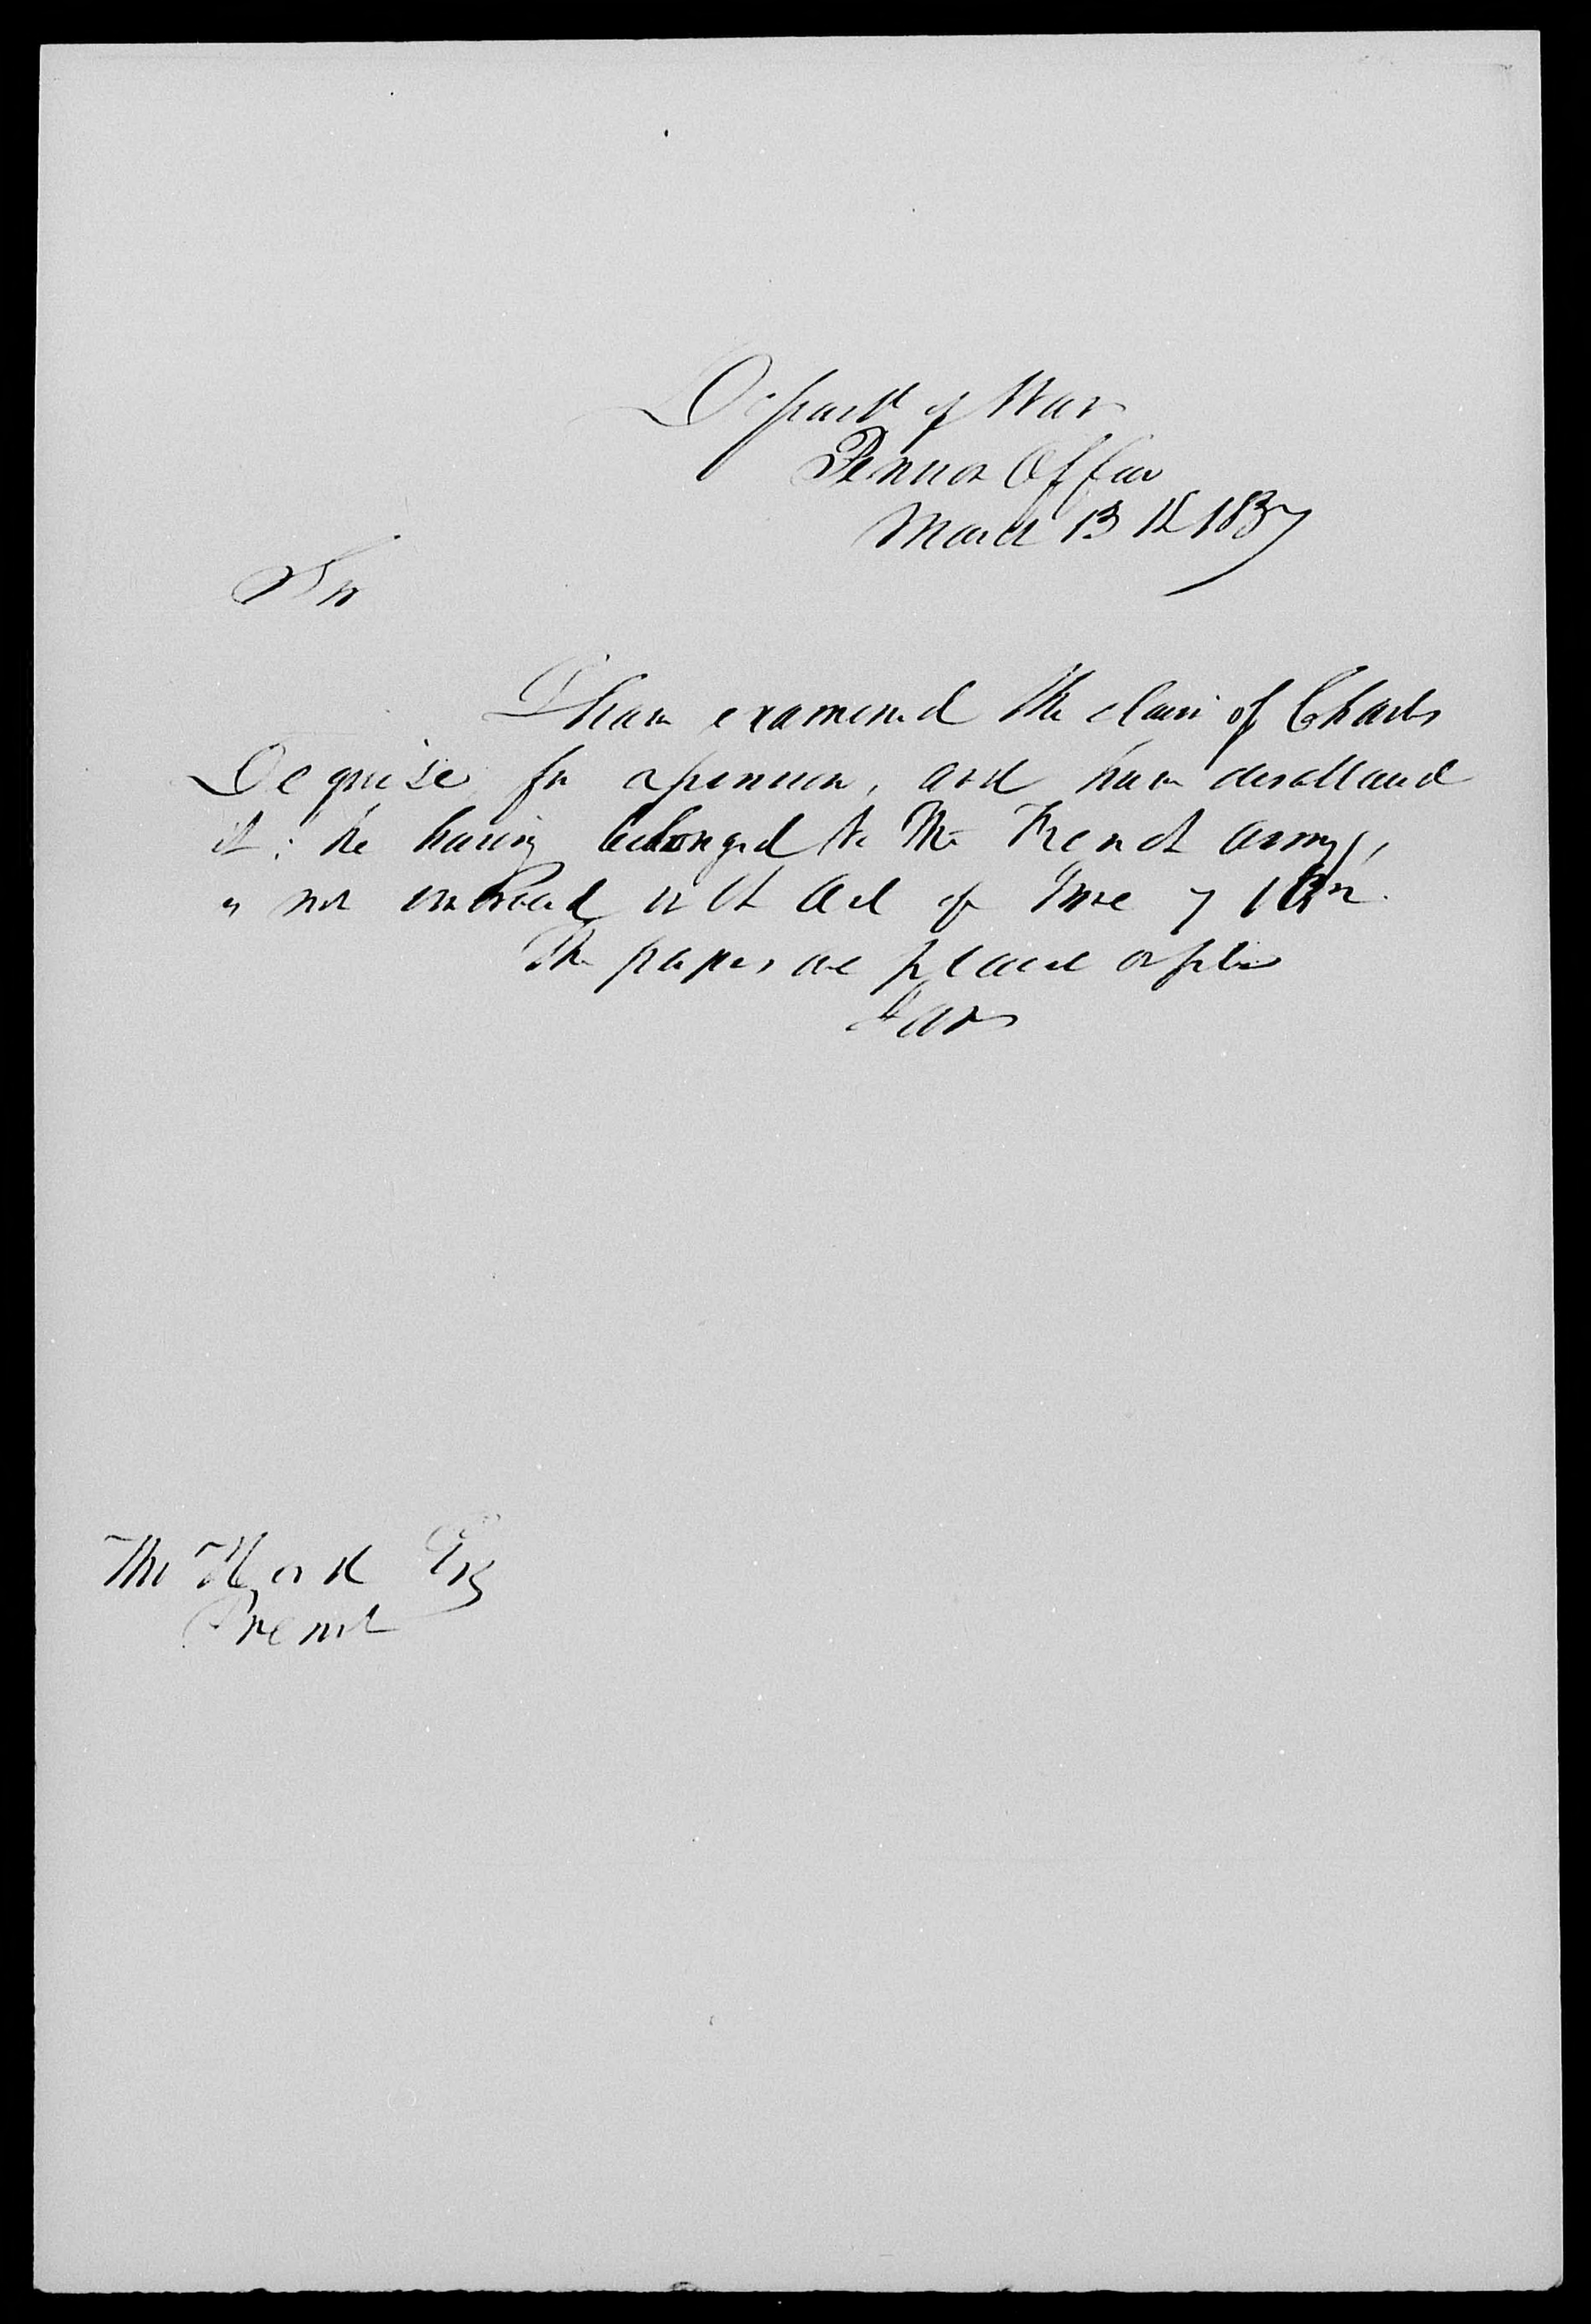Depart of War
Pension Office
March 13th 1837

Sir:

I have examined the claim of Charles Dequisie for a pension and have disallowed it, he having beloged to the French army and not embraced with the Act of June 7 1832

The papers are placed on file

Thos Hord, Esq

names: Tho Hord, Charls Dequise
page: 11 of 21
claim: rejected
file: R. 2,896, Charles Duzua, French